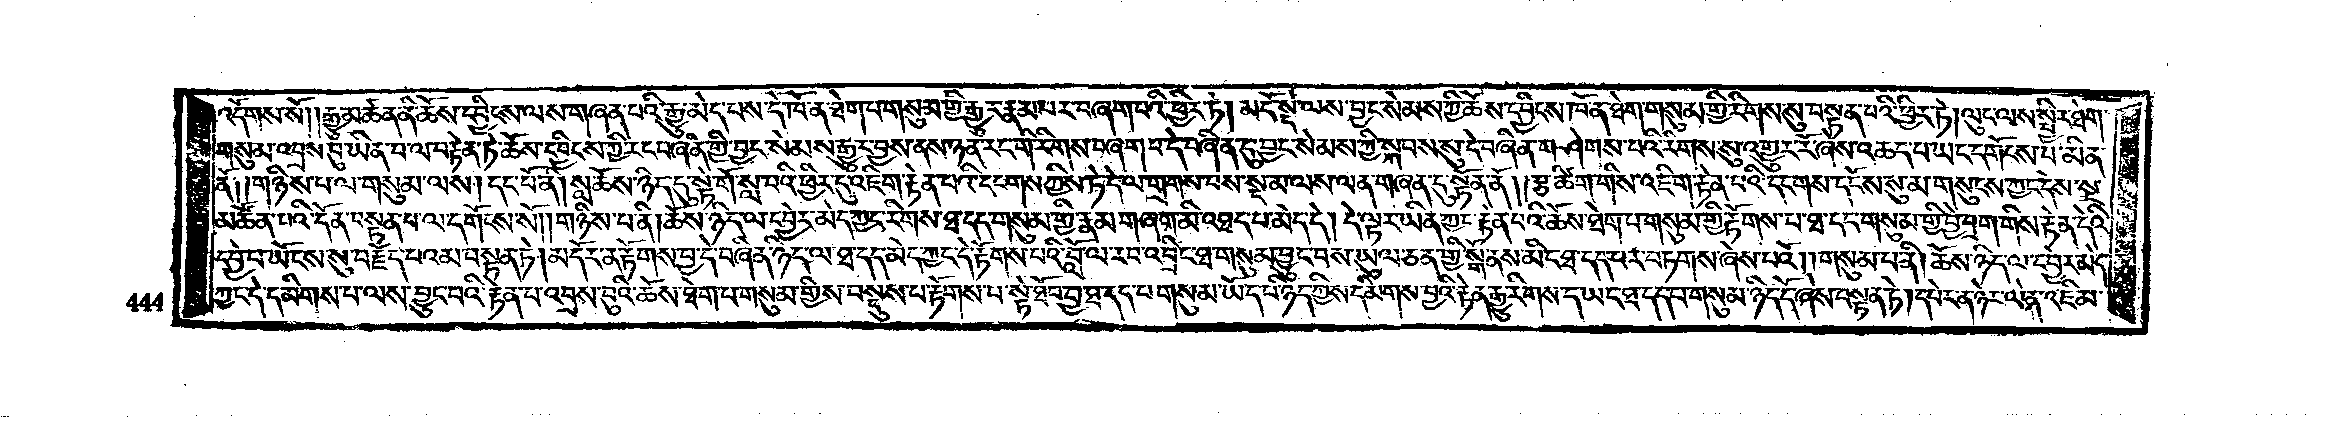འདོགས་སོ། །རྒྱུ་མཚན་ནི་ཆོས་དབྱིངས་ལས་གཞན་པའི་རྒྱུ་མེད་པས་དེ་ཁོ་ན་ཐེག་པ་གསུམ་གྱི་རྒྱུར་རྣམ་པར་བཞག་པའི་ཕྱིར་ཏེ། མདོ་སྡེ་ལས་བྱང་སེམས་ཀྱི་ཆོས་དབྱིངས་ཁོ་ན་ཐེག་གསུམ་གྱི་རིགས་སུ་བསྟན་པའི་ཕྱིར་ཏེ། ལུང་ལས་སྤྱིར་ཐེག་
གསུམ་འབྲས་བུ་ཡིན་པ་ལ་བརྟེན་ཏེ་ཆོས་དབྱིངས་ཀྱི་རང་བཞིན་གྱི་བྱང་སེམས་རྒྱུར་བྱས་ནས་ཉན་རང་གི་རིགས་བཞག་པ་དེ་བཞིན་དུ་བྱང་སེམས་ཀྱི་སྐབས་སུ་དེ་བཞིན་གཤེགས་པའི་རིགས་སུ་འགྱུར་རོ་ཞེས་འཆད་པ་ཡང་དགོངས་པ་མིན་
ནོ། །གཉིས་པ་ལ་གསུམ་ལས། དང་པོ་ནི། སླ་ཆོས་ཉིད་དུ་སྟེ་གོ་སླ་བའི་ཕྱིར་དུ་འཇིག་རྟེན་པའི་དངགས་ཀྱིས་ཏེ་དེ་ལ་གྲགས་པས་སྔ་མ་ལས་ལན་གཞན་དུ་སྟོན་ནོ། །རྩ་ཚིག་གིས་འཇིག་རྟེན་པའི་དངགས་དངོས་སུ་མ་གསུངས་ཀྱང་དེས་
མཚོན་པའི་དོན་བསྟན་པ་ལ་དགོངས་སོ། །གཉིས་པ་ནི། ཆོས་ཉིད་ལ་དབྱེར་མེད་ཀྱང་རིགས་ཐ་དད་གསུམ་གྱི་རྣམ་གཞག་མི་འཐད་པ་མེད་དེ། དེ་ལྟར་ཡིན་ཀྱང་རྟེན་པའི་ཆོས་ཐེག་པ་གསུམ་གྱི་རྟོགས་པ་ཐ་དད་གསུམ་གྱི་བྱེ་བྲག་གིས་རྟེན་དེའི་
དབྱེ་བ་ཡོངས་སུ་བརྗོད་པའམ་བསྟན་ཏེ། མདོར་ན་རྟོགས་བྱ་དེ་བཞིན་ཉིད་ལ་ཐ་དད་མེད་ཀྱང་དེ་རྟོགས་པའི་བློ་ལ་རབ་འབྲིང་ཐ་གསུམ་བྱུང་བས་ཡུལ་ཅན་གྱི་སྒོ་ནས་མིང་ཐ་དད་པར་བཏགས་ཞེས་པའོ། །གསུམ་པ་ནི། ཆོས་ཉིད་ལ་དབྱེར་མེད་
ཀྱང་དེ་དམིགས་པ་ལས་བྱུང་བའི་རྟེན་པ་འབྲས་བུའི་ཆོས་ཐེག་པ་གསུམ་གྱིས་བསྡུས་པ་རྟོགས་པ་སྟེ་ཐོབ་བྱ་ཐ་དད་པ་གསུམ་ཡོད་པ་ཉིད་ཀྱིས་དམིགས་བྱའི་རྟེན་རྒྱུ་རིགས་དེ་ཡང་ཐ་དད་པ་གསུམ་ཉིད་དོ་ཞེས་བསྟན་ཏེ། དཔེར་ན་ཉེར་ལེན་འཇིམ་